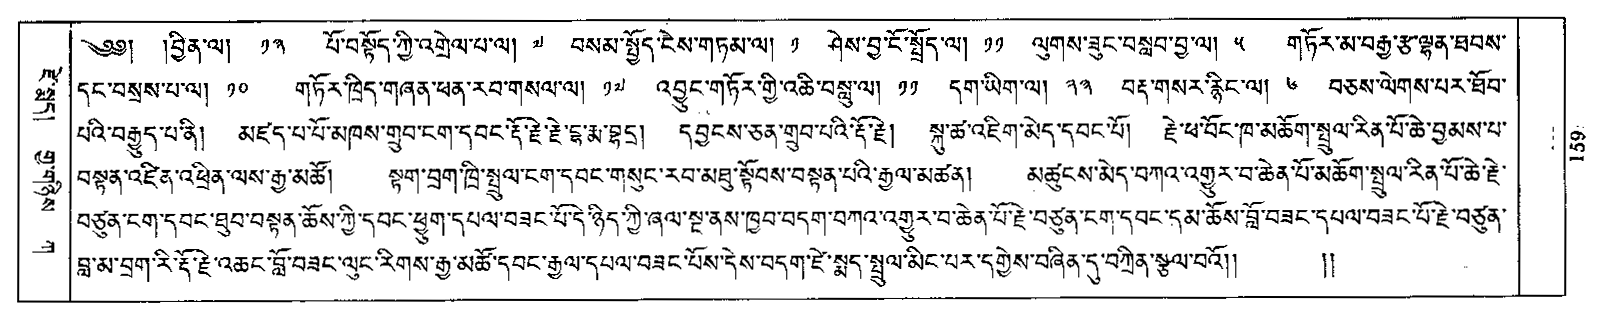༄༅། །བྱིན་ལ། ༡༣་པོ་བསྟོད་ཀྱི་འགྲེལ་པ་ལ། ༧་བསམ་སྤྱོད་ངེས་གཏམ་ལ། ༡་ཤེས་བྱ་ངོ་སྤྲོད་ལ། ༡༡་ལུགས་ཟུང་བསླབ་བྱ་ལ། ༥་གཏོར་མ་བརྒྱ་རྩ་ལྷན་ཐབས་
དང་བསྲས་པ་ལ། ༡༠་གཏོར་ཁྲིད་གཞན་ཕན་རབ་གསལ་ལ། ༡༧་འབྱུང་གཏོར་གྱི་འཆི་བསླུ་ལ། ༡༡་དག་ཡིག་ལ། ༢༣་བརྡ་གསར་རྙིང་ལ། ༦་བཅས་ལེགས་པར་ཐོབ་
པའི་བརྒྱུད་པ་ནི། མཛད་པ་པོ་མཁས་གྲུབ་ངག་དབང་རྡོ་རྗེ་རྗེ་དྷ་རྨ་བྷདྲ། དབྱངས་ཅན་གྲུབ་པའི་རྡོ་རྗེ། སྐུ་ཚ་འཇིག་མེད་དབང་པོ། རྗེ་ཕ་བོང་ཁ་མཆོག་སྤྲུལ་རིན་པོ་ཆེ་བྱམས་པ་
བསྟན་འཛིན་འཕྲིན་ལས་རྒྱ་མཚོ། སྟག་བྲག་ཁྲི་སྤྲུལ་ངག་དབང་གསུང་རབ་མཐུ་སྟོབས་བསྟན་པའི་རྒྱལ་མཚན། མཚུངས་མེད་བཀའ་འགྱུར་བ་ཆེན་པོ་མཆོག་སྤྲུལ་རིན་པོ་ཆེ་རྗེ་
བཙུན་ངག་དབང་ཐུབ་བསྟན་ཆོས་ཀྱི་དབང་ཕྱུག་དཔལ་བཟང་པོ་དེ་ཉིད་ཀྱི་ཞལ་སྔ་ནས་ཁྱབ་བདག་བཀའ་འགྱུར་བ་ཆེན་པོ་རྗེ་བཙུན་ངག་དབང་དམ་ཆོས་བློ་བཟང་དཔལ་བཟང་པོ་རྗེ་བཙུན་
བླ་མ་བྲག་རི་རྡོ་རྗེ་འཆང་བློ་བཟང་ལུང་རིགས་རྒྱ་མཚོ་དབང་རྒྱལ་དཔལ་བཟང་པོས་དེས་བདག་ཛེ་སྨད་སྤྲུལ་མིང་པར་དགྱེས་བཞིན་དུ་བཀྲིན་སྩལ་བའོ།། །།